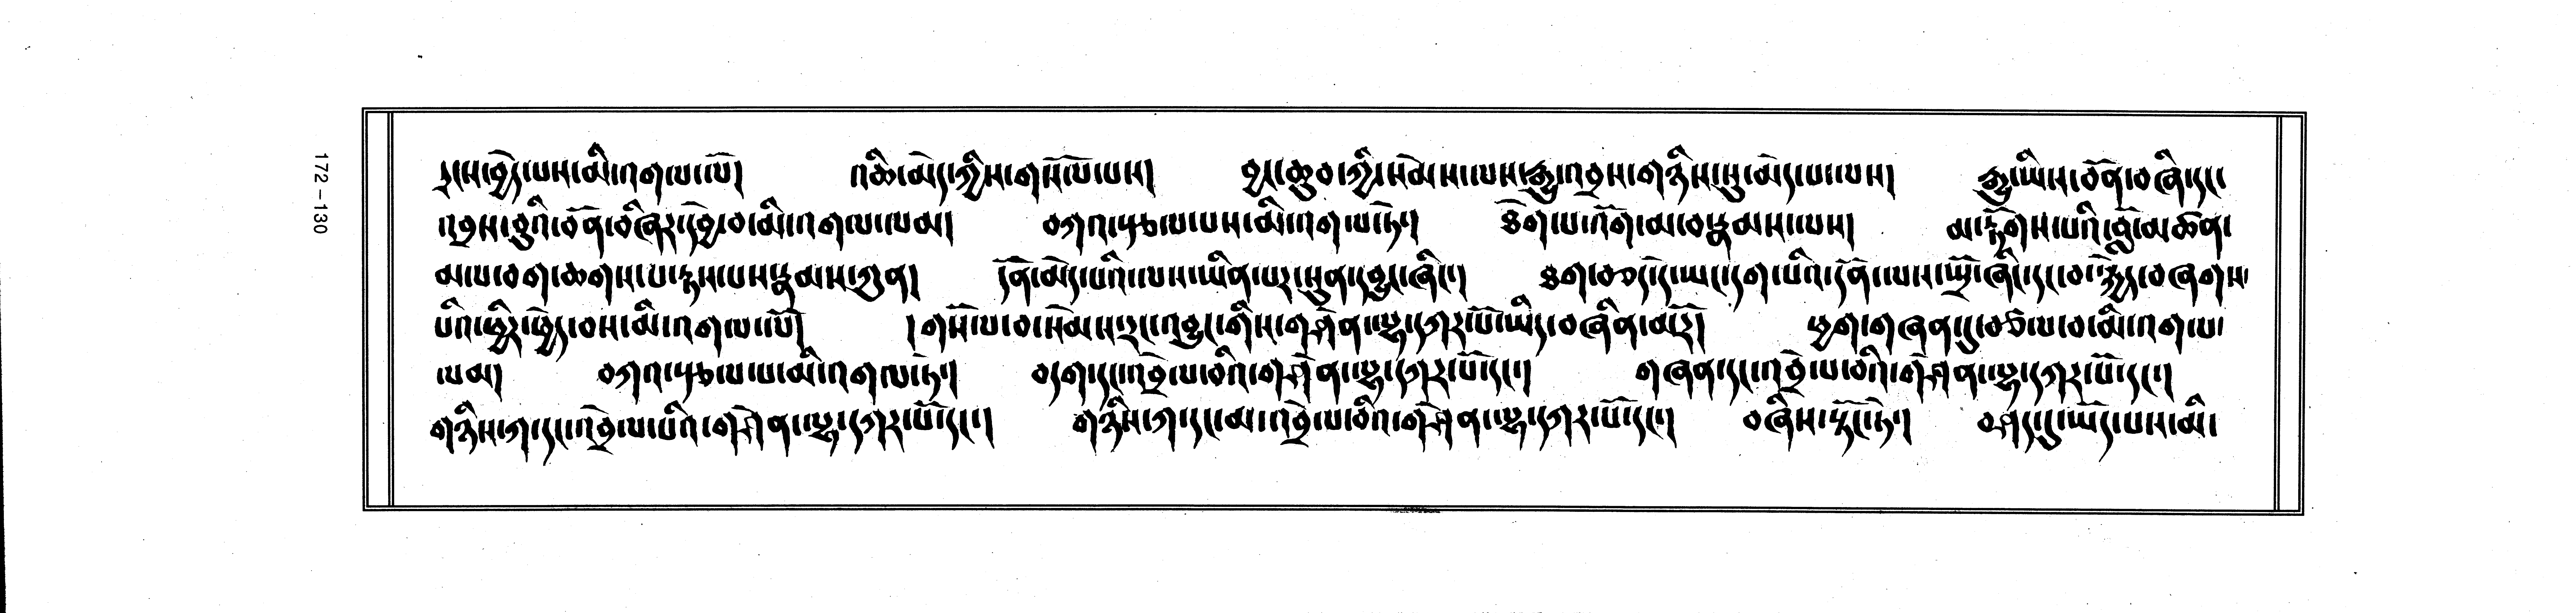དྲང་བྱེད་པས་མི་འགལ་ལོ། འཆི་མེད་ཀྱིས་གསོལ་པས། བྱང་ཆུབ་ཀྱི་སེམས་ལས་རྒྱུ་འབྲས་གཉིས་སུ་མེད་པ་ལས། རྒྱུ་ཡིས་བོན་བཞི་དང་། 
འབྲས་བུའི་བོན་བཞིར་དབྱེ་བ་མི་འགལ་ལམ། བཀའ་སྩལ་པས་མི་འགལ་ཏེ། ཐེག་པ་འོག་མ་བ་རྣམས་ལས། མ་རྟོགས་པའི་བློ་མཚན་
མལ་བག་ཆགས་པ་རྟས་པས་རྣམས་ཀུན། དོན་མེད་པའི་ལས་ཡིན་པར་སུན་དབྱུང་ཞིང་། ཐག་བཅད་དེ་ཡང་དག་པའི་དོན་ལས་སྤྲོ་ཞིང་དང་བ་སྐྱེད་བཞགས་
པའི་ཕྱིར་ཕྱེད་བས་མི་འགལ་ལོ། གསོལ་བ་སེམས་རང་འབྱུང་གིས་གཤེན་ལྷ་དཀར་པོ་ཡིད་བཞིན་ནོར། ཕྱག་གཞན་དུ་བཙལ་བ་མི་འགལ་
ལམ། བཀའ་སྩལ་པ་མི་འགལ་ཏེ། བདག་དང་འབྲེལ་བའི་གཤེན་ལྷ་དཀར་པོ་དང་། གཞན་དང་འབྲེལ་བའི་གཤེན་ལྷ་དཀར་པོ་དང་། 
གཉིས་ཀ་དང་འབྲེལ་པའི་གཤེན་ལྷ་དཀར་པོ་དང་། གཉིས་ཀ་དང་མ་འབྲེལ་བའི་གཤེན་ལྷ་དཀར་པོ་དང་། བཞིས་སྟོང་ཏེ། བཤད་དུ་ཡོད་པས་མི་འགལ་ལོ།